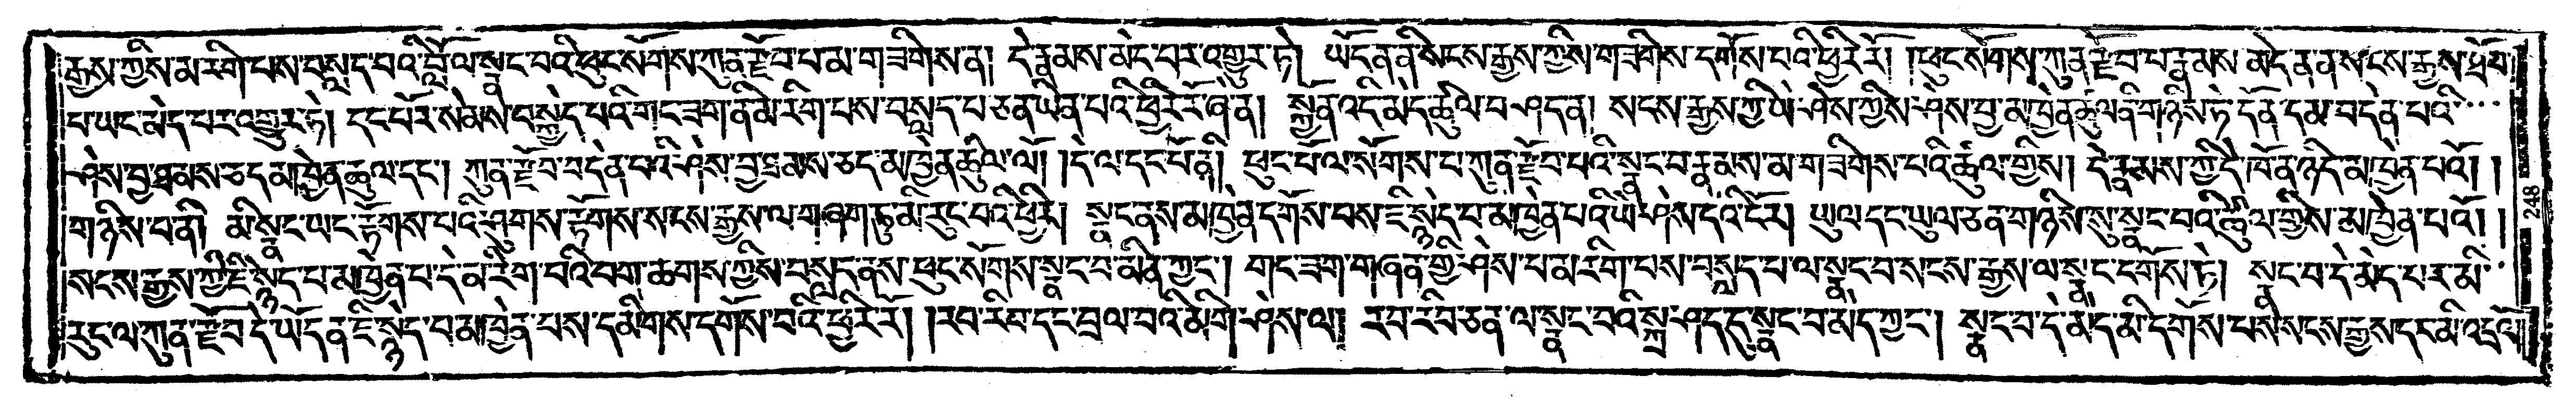རྒྱས་ཀྱིས་མ་རིག་པས་བསླད་པའི་བློ་ལ་སྣང་བའི་ཕུང་སོགས་ཀུན་རྫོབ་པ་མ་གཟིགས་ན། དེ་རྣམས་མེད་པར་འགྱུར་ཏེ། ཡོད་ན་ནི་སངས་རྒྱས་ཀྱིས་གཟིགས་དགོས་པའི་ཕྱིར་རོ། །ཕུང་སོགས་ཀུན་རྫོབ་པ་རྣམས་མེད་ན་ནི་སངས་རྒྱས་ཐོབ་
པ་ཡང་མེད་པར་འགྱུར་ཏེ། དང་པོར་སེམས་བསྐྱེད་པའི་གང་ཟག་ནི་མ་རིག་པས་བསླད་པ་ཅན་ཡིན་པའི་ཕྱིར་རོ་ཞེ་ན། སྐྱོན་འདི་མེད་ཚུལ་བཤད་ན། སངས་རྒྱས་ཀྱི་ཡེ་ཤེས་ཀྱིས་ཤེས་བྱ་མཁྱེན་ཚུལ་ནི་གཉིས་ཏེ། དོན་དམ་བདེན་པའི་
ཤེས་བྱ་ཐམས་ཅད་མཁྱེན་ཚུལ་དང་། ཀུན་རྫོབ་བདེན་པའི་ཤེས་བྱ་ཐམས་ཅད་མཁྱེན་ཚུལ་ལོ། །དེ་ལ་དང་པོ་ནི། ཕུང་པོ་ལ་སོགས་པ་ཀུན་རྫོབ་པའི་སྣང་བ་རྣམས་མ་གཟིགས་པའི་ཚུལ་གྱིས། དེ་རྣམས་ཀྱི་དེ་ཁོ་ན་ཉིད་མཁྱེན་པའོ།།
གཉིས་པ་ནི། མི་སྣང་ཡང་རྟོགས་པའི་ཤུགས་རྟོགས་སངས་རྒྱས་ལ་གཞག་ཏུ་མི་རུང་བའི་ཕྱིར། སྣང་ནས་མཁྱེན་དགོས་པས་ཇི་སྙེད་པ་མཁྱེན་པའི་ཡེ་ཤེས་དེའི་ངོར། ཡུལ་དང་ཡུལ་ཅན་གཉིས་སུ་སྣང་བའི་ཚུལ་གྱིས་མཁྱེན་པའོ།།
སངས་རྒྱས་ཀྱི་ཇི་སྙེད་པ་མཁྱེན་པ་དེ་མ་རིག་པའི་བག་ཆགས་ཀྱིས་བསླད་ནས་ཕུང་སོགས་སྣང་བ་མིན་ཀྱང་། གང་ཟག་གཞན་གྱི་ཤེས་པ་མ་རིག་པས་བསླད་པ་ལ་སྣང་བ་སངས་རྒྱས་ལ་སྣང་དགོས་ཏེ། སྣང་བ་དེ་མེད་པར་མི་
རུང་ལ་ཀུན་རྫོབ་དེ་ཡོད་ན་ཇི་སྙེད་པ་མཁྱེན་པས་དམིགས་དགོས་པའི་ཕྱིར་རོ། །རབ་རིབ་དང་བྲལ་བའི་མིག་ཤེས་ལ། རབ་རིབ་ཅན་ལ་སྣང་བའི་སྐྲ་ཤད་དུ་སྣང་བ་མེད་ཀྱང་། སྣང་བ་དེ་མེད་མི་དགོས་པས་སངས་རྒྱས་དང་མི་འདྲའོ།